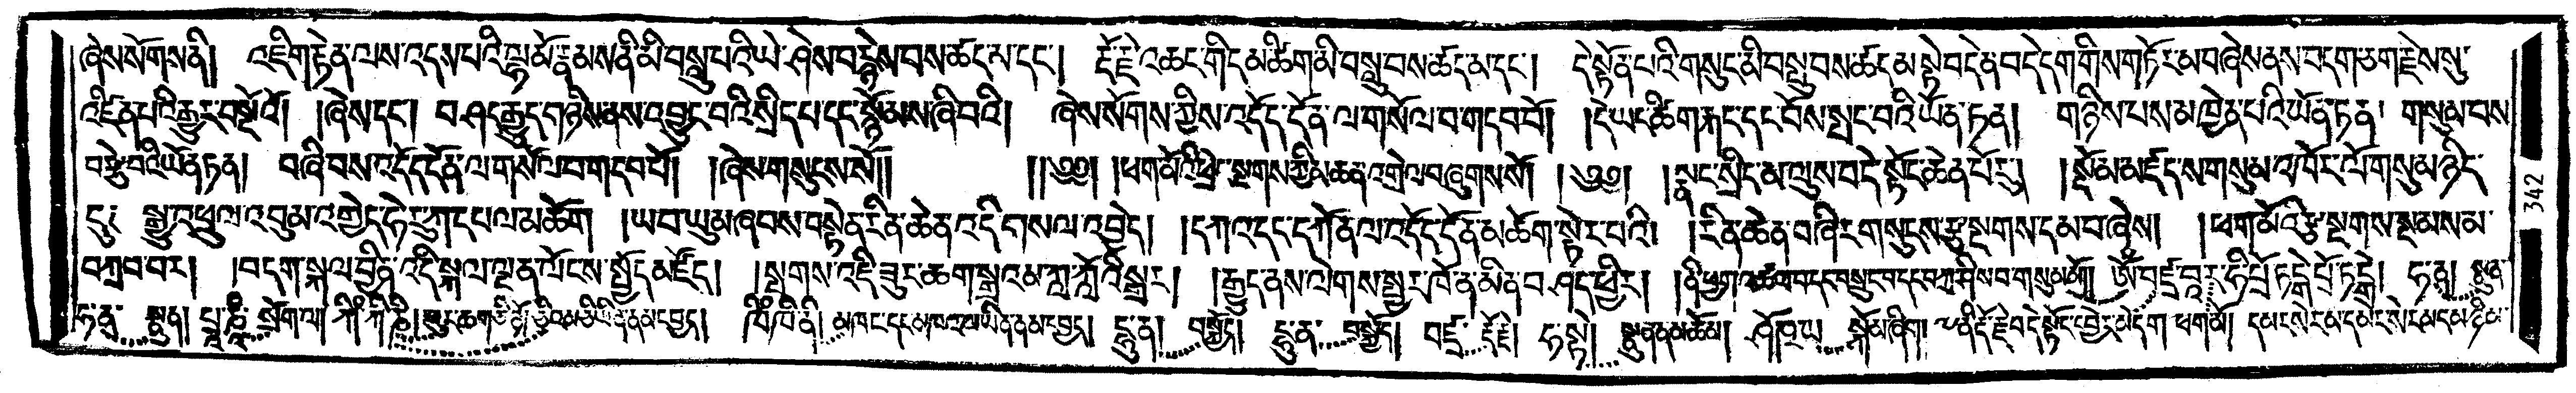ཞེས་སོགས་ནི། འཇིག་རྟེན་ལས་འདས་པའི་ལྷ་མོ་རྣམས་ནི་མི་བསླུ་པའི་ཡེ་ཤེས་བརྙེས་པས་ཚད་མ་དང་། རྡོ་རྗེ་འཆང་གི་དམ་ཚིག་མི་བསླུ་བས་ཚད་མ་དང་། དེ་སྟོན་པའི་གསུང་མི་བསླུབས་ཚད་མ་སྟེ་བདེན་བདེ་དག་གིས་གཏོར་མ་བཞེས་ནས་བདག་ཅག་རྗེས་སུ་
འཛིན་པའི་རྒྱུར་བསྔོའོ། །ཞེས་དང་། བཤད་རྒྱུད་གཉིས་ནས་འབྱུང་བའི་སྲིད་པ་དང་སྙོམས་ཞི་བའི། ཞེས་སོགས་ཀྱིས་འདོད་དོན་ལ་གསོལ་བ་གདབ་བོ། །དེ་ཡང་ཚིག་རྐང་དང་པོས་སྤང་བའི་ཡོན་ཏན། གཉིས་པས་མཁྱེན་པའི་ཡོན་ཏན། གསུམ་པས་
བརྩེ་བའི་ཡོན་ཏན། བཞི་པས་འདོད་དོན་ལ་གསོལ་བ་གདབ་བོ། །ཞེས་གསུངས་སོ།། །། ༄༅། །ཕག་མོའི་ཕྲེ་སྔགས་ཀྱི་མཆན་འགྲེ་བཞུགས་སོ། ། ༄༅། །སྣང་སྲིང་མོ་ལུས་བདེ་སྟོང་ཆེན་པོ་རུ་།སྡོམ་མཛད་ས་གསུམ་འཁོར་ལོ་གསུམ་ཉིད་
ཕ༹དུ༑ སྒྱུ་འཕྲུལ་འབུམ་འགྱེད་ཧེ་རུ་ཀ་དཔལ་མཆོག །ཡབ་ཡུམ་ཞབས་བསྟེན་རིན་ཆེན་འདི་གསལ་འབྱེད། །དཀའ་དང་དཀོན་ལ་འདོད་དོན་མཆོག་སྟེར་བའི། །རིན་ཆེན་བཞིར་གསུངས་རྩ་སྔགས་དམ་པ་ཞེས། །ཕག་མོའི་རྩ་སྔགས་སྔམས་མ་
བཀྲབ་བར། །བདག་སྐལ་བྱིན་འདི་སྐལ་ལྡན་ལོངས་སྤྱོད་མཛོད། །སྤགས་འདི་ཟུར་ཆག་སྒྲའམ་ཀླ་ཀློའི་སྒྲར། །རྒྱུད་ནས་ལེགས་སྤྱར་ཁོ་ན་མིན་བཤད་ཕྱིར། །ནི་ཕྱག་འཚལ་བ་དང་བསྲུང་བ་དང་བཀྲ་ཤིས་པ་གསུམ་མོ།། ཨོཾ་བཛྲ་པཱ་ར་ཧི་པྲོ་ཏ་དགེ་པྲོ་ཏདགེ། ཧ་ན། སྣུན་
ཧ་ན་སྣུན། པྲཱ་ཎཱཾ་སྲོག་ལ། ཀིཾ་ཀི་ཎི། ཟུར་ཆག་ཅི་མོ་ཅིའམ་ཅི་ཡིན་ནམ་དཔྱད། ཁིཾ་ཁི་ནི། མཁའ་དང་མཁའ་བ་ཡིན་ནམ་དཔྱད། དྷུ་ན། བསྐྱོད། དྷུ་ན་བསྐྱོད། བཛྲ་རྡོ་རྗེ། ཧ་སྟེ། སྣུན་ན་མཆོ་མ། ཤོ་ཥ་ཡ། སྒོམ་ཞིང་། ༧་ནི་རྡོ་རྗེ་བདེ་སྟོང་དབྱེར་མེད་ག་ཕག་མོ། དམར་སེར་མ་དམར་སེར་མ་དམ་ཉི་མ་